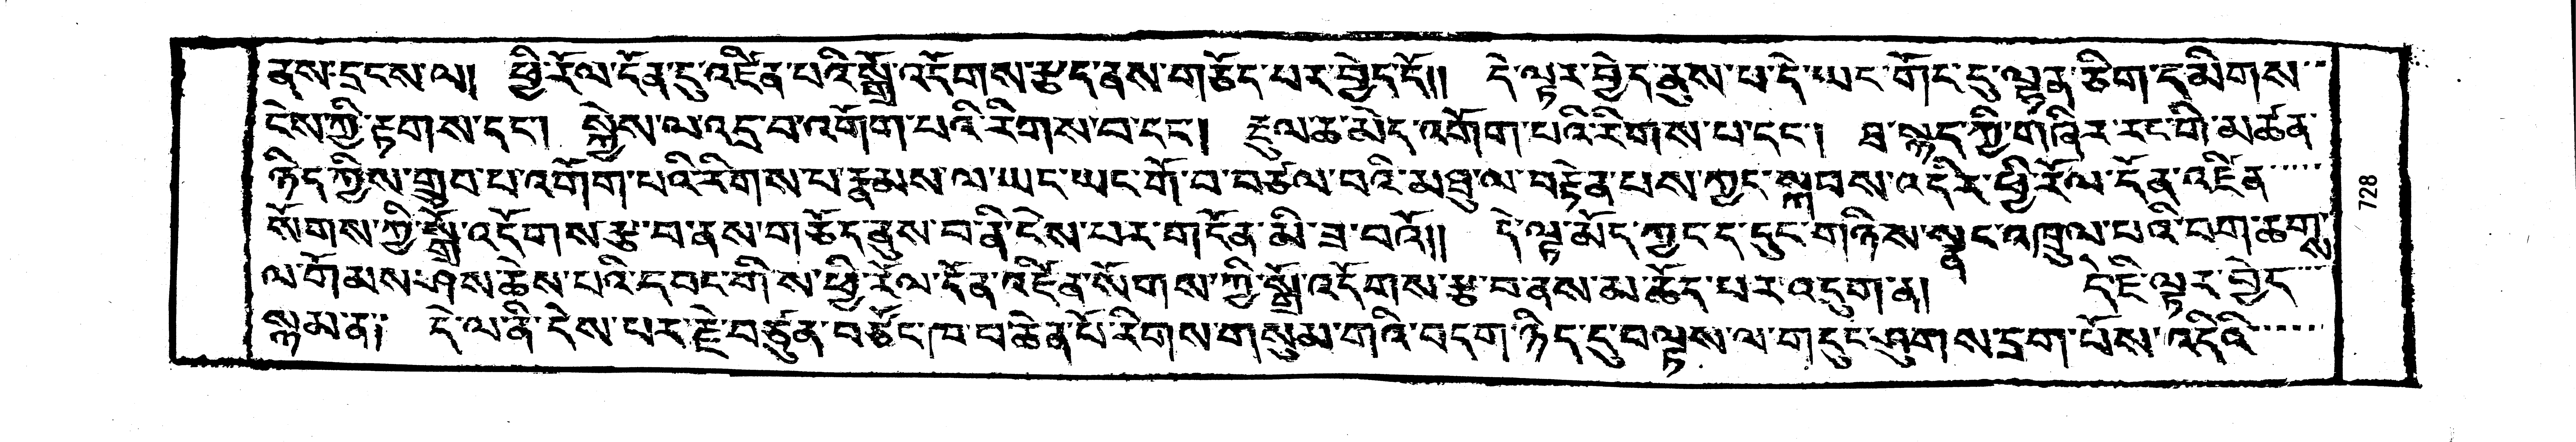ནས་དྲངས་ལ། ཕྱི་རོལ་དོན་དུ་འཛིན་པའི་སྒྲོ་འདོགས་རྩད་ནས་གཅོད་པར་བྱེད་དོ། །དེ་ལྟར་བྱེད་ནུས་པ་དེ་ཡང་གོང་དུ་ལྷན་ཅིག་དམིགས་
ངེས་ཀྱི་རྟགས་དང་། སྐྱེས་ལ་འདྲ་བ་འགོག་པའི་རིགས་པ་དང་། རྡུལ་ཆ་མེད་འགོག་པའི་རིགས་པ་དང་། ཐ་སྙད་ཀྱི་གཞིར་རང་གི་མཚན་
ཉིད་ཀྱིས་གྲུབ་པ་འགོག་པའི་རིགས་པ་རྣམས་ལ་ཡང་ཡང་གོ་བ་བཙལ་བའི་མཐུ་ལ་བརྟེན་པས་ཀྱང་སྐབས་འདིར་ཕྱི་རོལ་དོན་འཛིན་
སོགས་ཀྱི་སྒྲོ་འདོགས་རྩ་བ་ནས་གཅོད་ནུས་བ་ནི་ངེས་པར་གདོན་མི་ཟ་བའོ། །དེ་ལྟ་མོད་ཀྱང་ད་དུང་གཉིས་སྣང་འཁྲུལ་པའི་བག་ཆགས་
ལ་གོམས་ཤས་ཆེས་པའི་དབང་གིས་ཕྱི་རོལ་དོན་འཛིན་སོགས་ཀྱི་སྒྲོ་འདོགས་རྩ་བ་ནས་མ་ཆོད་པར་འདུག་ན། དེ་ཇི་ལྟར་བྱེད་
སྙམ་ན༑ དེ་ལ་ནི་ངེས་པར་རྗེ་བཙུན་བཙོང་ཁ་བ་ཆེན་པོ་རིགས་གསུམ་གའི་བདག་ཉིད་དུ་བལྟས་ལ་གདུང་ཤུགས་དྲག་པོས་འདིའི་